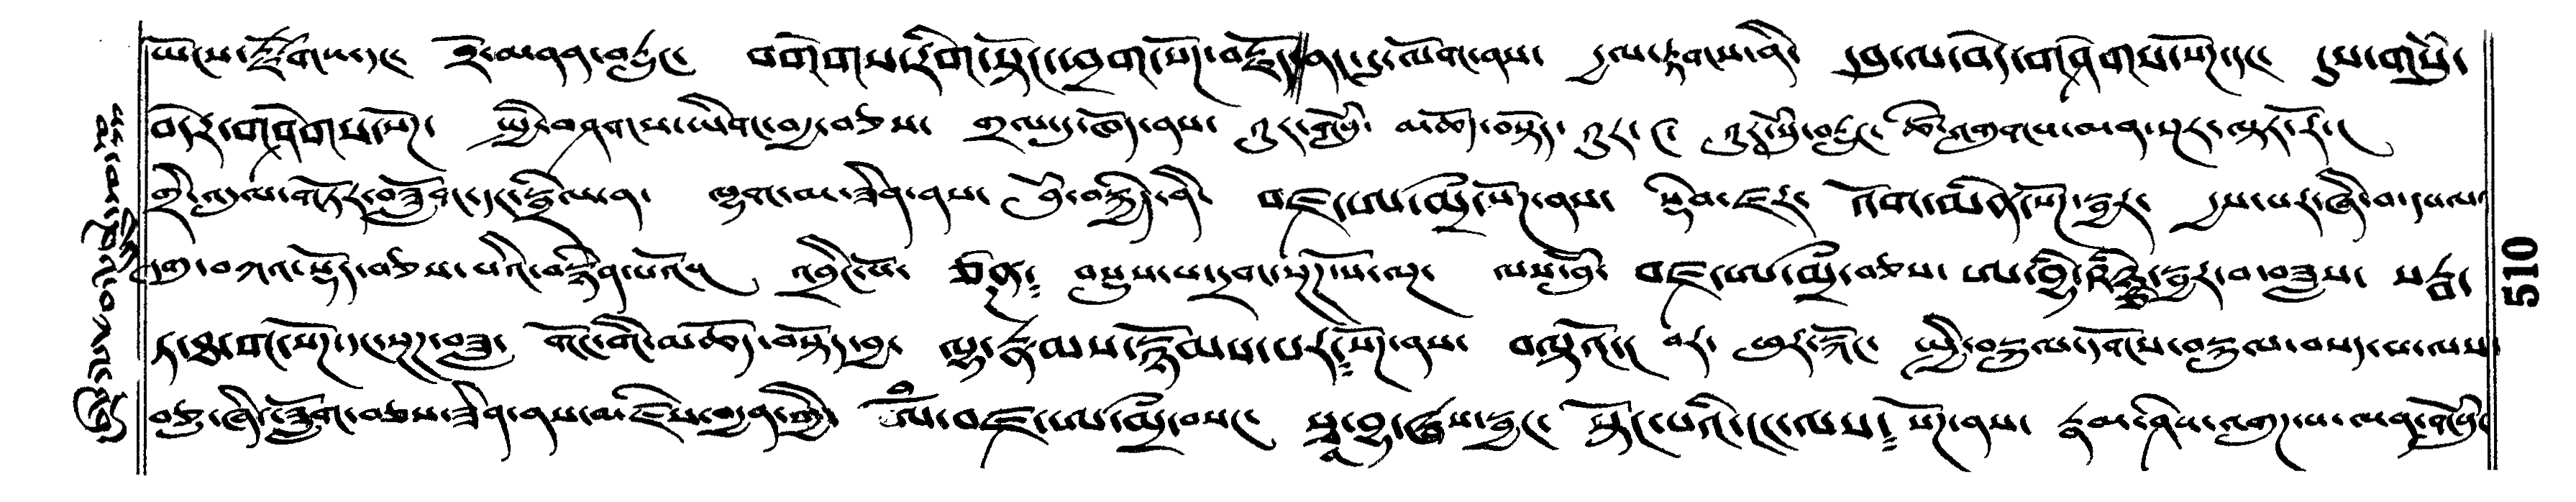ཡོངས་རྫོགས་དང་། ( བྲོ་མནན་བརྡུང་། ) བགེགས་རིགས་སྟོང་ཕྲག༴ སོགས་བརྗོད། ནང་དུ་ལོག་ནས། རྒྱལ་རྟགས་ནི། དབུ་ལ་བདེ་གཤེགས༴ སོགས་དང་། དུས་གསུམ་
བདེ་གཤེགས༴ སོགས། སྤྱི་བཤགས་ཡིག་བརྒྱ་བཅས། གྲལ་དུ་ཁོད་ནས། ( འུར་གསུམ། ) མཆོད་བསྟོད། ( འུར་དགུ འུར་སུམ་བརྡུང་། ) ཚེ་འགུགས་མན་སྔར་ལྟར་རོ། 
༈ གྲི་འདུལ་གཏོར་བཟློག་དང་སྦྲེལ་ན། ལྷག་མ་ཟིན་ནས། བུམ་བསྐྱེད་ནི། བཛྲ་ཨ་མྲྀ༴ སོགས་ནས། ལྡེབ་ཛར། འོག་མིན༴ སོགས་སྦྱར། རྒྱས་པར་ཞི་བ་དཔལ་
དགུ་བཀའ་སྡོད་དང་བཅས་པའི་བསྙེན་པའོ།འབྲིང་པོ། ཙནྜ༴ བསྡུས་པ་དྲག་སྔགས་སོ་ལྔ། ལས་བུམ། བཛྲ་ཨ་མྲྀ༴ བཅས། ཨ་བྷི་རིཉྩ༴ སྦྱར་བ་བཟླ། སརྦ་
ཏ་ཐ་ག༴ སོགས་དང་སྔགས་བཟླ། གོང་གི་མཆོད་བསྟོད་བྱ། ལྷ་རྣམས་སྙོམས་པར༴ སོགས་ནས། བལྟའོ། བར། ཕུད་སྐོང་། སྤྱི་བསྐུལ་དགོས་བསྐུལ་བསད་པའི་ལས་
བཅུ། ཞི་ཟློག་བཅས་ཟིན་ནས། མཛེས་བརྒྱན་གྱི། ཨོཾ་བཛྲ་ཨ་མྲྀ་ཏ ས་བསང་། སྭ་བྷ་ཝ ས་སྦྱང་། སྟོང་པའི་ངང་ལས༴ སོགས་ནས། རྣམ་ཤེས་འགུགས་པ་ལན་གསུམ་